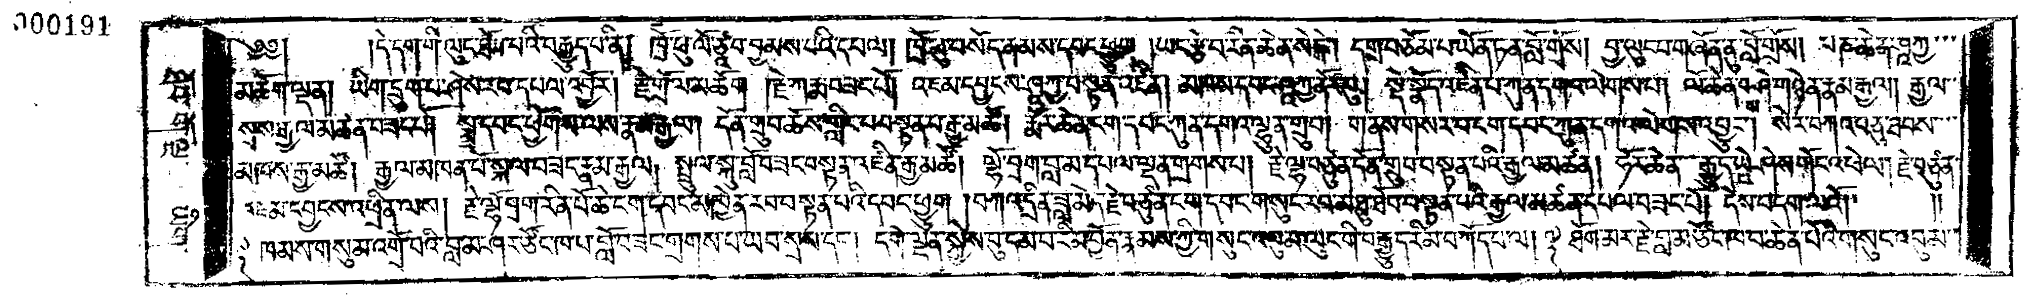༄༅། །དེ་དག་གི་ལུང་ཐོབ་པའི་བརྒྱུད་པ་ནི། ཁྲོ་ཕུ་ལོ་ཙཱ་བ་བྱམས་པའི་དཔལ། ཁྲོ་ཕུ་བསོད་ནམས་དབང་ཕྱུག །ཡང་རྩེ་བ་རིན་ཆེན་སེངྒེ། དགྲ་བཅོམ་པ་ཡོན་ཏན་བློ་གྲོས། བྱ་ལུང་བ་གཞོན་ནུ་བློ་གྲོས། པཎ་ཆེན་ཤཱཀྱ་
མཆོག་ལྡན། ཡིག་དྲུག་པ་ཤེས་རབ་དཔལ་འབྱོར། རྗེ་གྲོལ་མཆོག །རྗེ་ཀརྨ་བཟང་པོ། འཇམ་དབྱངས་ཤཱཀྱ་བསྟན་འཛིན། མཁས་དབང་ཤཱཀྱ་ནོར་བུ། སྡེ་སྣོད་འཛིན་པ་ཀུན་དགའ་ལེགས་པ། ལོ་ཆེན་བཤེས་གཉེན་རྣམ་རྒྱལ། རྒྱལ་
སྲས་རྒྱལ་མཚན་བཟང་པོ། སྨྲ་དབང་ཕྱོགས་ལས་རྣམ་རྒྱལ། དོན་གྲུབ་ཆོས་གླིང་པ་བསྟན་པ་རྒྱ་མཚོ། རྨོར་ཆེན་ངག་དབང་ཀུན་དགའ་ལྷུན་གྲུབ། གནས་གསར་བ་ངག་དབང་ཀུན་དགའ་ལེགས་འབྱུང་། སེར་བཀའ་བཅུ་ཐབས་
མཁས་རྒྱ་མཚོ། རྒྱལ་མཁན་པོ་སྐལ་བཟང་རྣམ་རྒྱལ། སྤྲུལ་སྐུ་བློ་བཟང་བསྟན་འཛིན་རྒྱ་མཚོ། ལྷོ་བྲག་བླ་མ་དཔལ་ལྡན་གྲགས་པ། རྗེ་ལྷ་བཙུན་དོན་གྲུབ་བསྟན་པའི་རྒྱལ་མཚན། ཧོར་ཆེན་རྒྱུད་ཡེ་ཤེས་གོང་འཕེལ། རྗེ་བཙུན་
འཇམ་དབྱངས་འཕྲིན་ལས། རྗེ་ལྷོ་བྲག་རིན་པོ་ཆེ་ངག་དབང་མཁྱེན་རབ་བསྟན་པའི་དབང་ཕྱུག །བཀའ་དྲིན་ཟླ་མེད་རྗེ་བཙུན་ངག་དབང་གསུང་རབ་མཐུ་ཐོབ་བསྟན་པའི་རྒྱལ་མཚན་དཔལ་བཟང་པོ། དེས་བདག་ལའོ།། །།
༈ ཁམས་གསུམ་འགྲོ་བའི་བླ་མ་ཤར་ཙོང་ཁ་པ་བློ་བཟང་གྲགས་པ་ཡབ་སྲས་དང་། དགེ་ལྡན་སྐྱེས་བུ་དམ་པ་རིམ་བྱོན་རྣམས་ཀྱི་གསུང་འབུམ་ལུང་གི་བརྒྱུད་རིམ་བཀོད་པ་ལ། ༈ ཐོག་མར་རྗེ་བླ་མ་ཙོང་ཁ་པ་ཆེན་པོའི་གསུང་འབུམ་